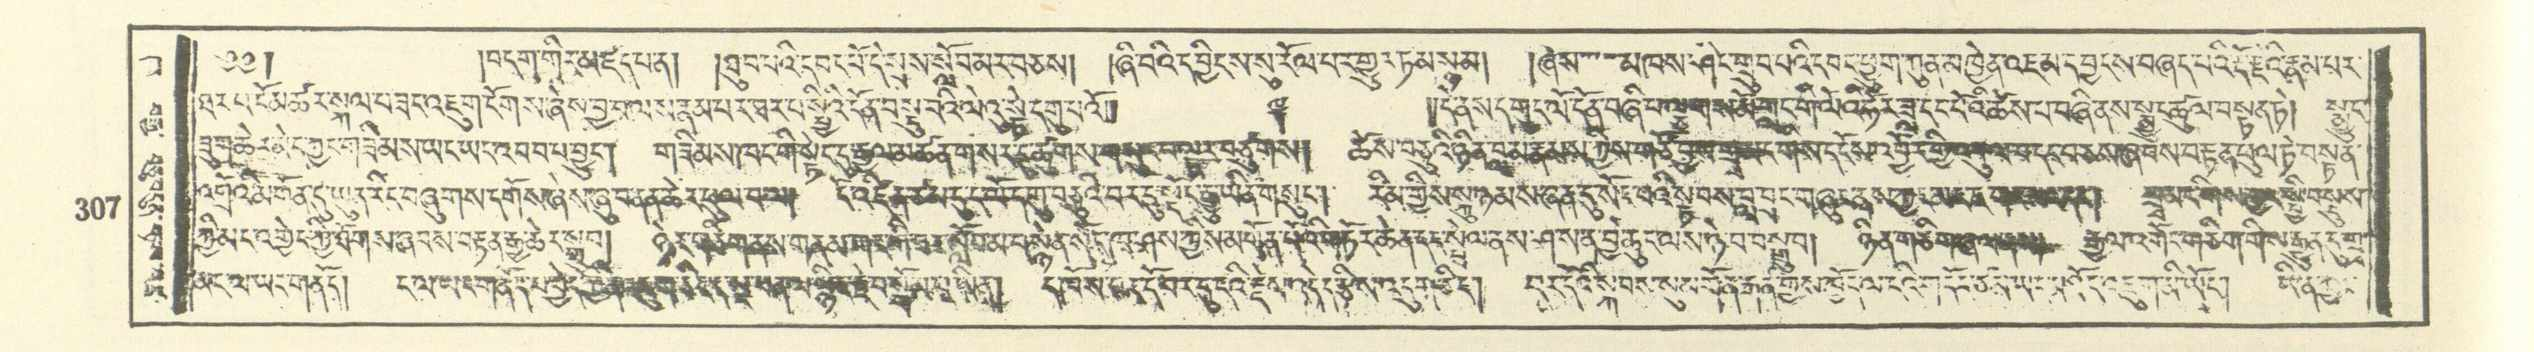༄༅། །བདག་གིར་མཛད་པ་ན། །ཐུབ་པའི་དབང་པོ་དེ་སྲས་སློབ་མར་བཅས། །ཞི་བའི་དབྱིངས་སུ་རོལ་པར་གྱུར་ཏམ་སྙམ། །ཞེས་མཁས་ཤིང་གྲུབ་པའི་དབང་ཕྱུག་ཀུན་མཁྱེན་འཇམ་དབྱངས་བཞད་པའི་རྡོ་རྗེའི་རྣམ་པར་
ཐར་པ་ངོ་མཚར་སྐལ་བཟང་འཇུག་ངོགས་ཞེས་བྱ་བ་ལས་རྣམ་པར་ཐར་པ་སྤྱིའི་དོན་བསྡུ་བའི་ལེའུ་སྟེ་དགུ་པའོ།། ༈ །།དེ་ནས་དགུང་ལོ་དོན་བཞི་པ་ལྕགས་མོ་གླང་གི་ལོའི་ཧོར་ཟླ་དང་པོའི་ཚེས་པ་བཞི་ནས་སྨྱུང་ཚུལ་བསྟན་ཏེ། སྨྱུང་
ཟུག་ཆེར་མེད་ཀྱང་གཟིམས་ཡང་ཡང་འབབ་པ་བྱུང་། གཟིམས་ཁང་གི་སྟེང་དུ་རྒྱལ་མཚན་གསར་དུ་ཚུགས་གསུང་བ་ལྟར་བཙུགས། ཚེས་བཅུའི་ཉིན་བླ་མ་རྣམས་ཀྱིས་གཙོ་བྱས་གྲྭ་མང་གིས་དངོས་འབྱོར་གྱི་འབུལ་བ་དང་བཅས་ཞབས་བརྟན་ཕུལ་ཏེ་བསྟན་
འགྲོའི་མགོན་དུ་ཡུན་རིང་བཞུགས་དགོས་ཞེས་ཞུ་བ་ནན་ཆེར་ཕུལ་བ་ལ། ངོ་འཛིན་ཙམ་དུ་ད་ལོ་དགུ་བཅུའི་བར་དུ་སྡོང་རྒྱུ་ཡིན་གསུང་། རིམ་གྱིས་སྐུ་ཉམས་ཞན་དུ་སོང་བའི་སྟབས་བླ་བྲང་གཞུང་ནས་ཀྱང་མང་ཇ་གང་མང་དང་། གྲྭ་མང་གིས་ཀྱང་སྤྱི་བསྡུས་
ཀྱི་མང་འགྱེད་ཀྱི་ཐོགས་ཞབས་བརྟན་རྒྱ་ཆེར་སྒྲུབ། ཉེར་གཅིག་ནས་གནམ་གང་གི་བར་སློབ་མ་བསྙེན་སོང་ཁ་ཤས་ཀྱིས་མགོན་པོའི་གཏོར་ཆེན་དང་སྤྲེལ་ནས་ཤ་ས་ན་བྱེ་ཆུང་ལས་ཉེ་བ་བསྒྲུབ། ཉིན་གཅིག་ཞལ་ནས། རྒྱལ་འགོང་གཅིག་གིས་རྒྱུན་དུ་གྲྭ་
མང་ལ་ཡང་གནོད། ང་ལ་ཡང་གནོད་པ་བྱེད་ཀྱིན་འདུག་ཅིང་ད་སྔ་ཕན་ལ་སྙིང་རྗེ་བསྒོམ་པ་ཡིན། ད་ཁོས་བར་དོ་བར་དུ་ངའི་རྗེས་འདེད་རྩིས་འདུག་ཅིང་། བར་དོའི་སྐབས་སུ་མགོན་རྒན་གྱིས་ཁྱོད་ལ་ངའི་གདོང་ཙམ་ཡང་མཐོང་འཇུག་མི་ཡོང་། ཡིན་ཀྱང་